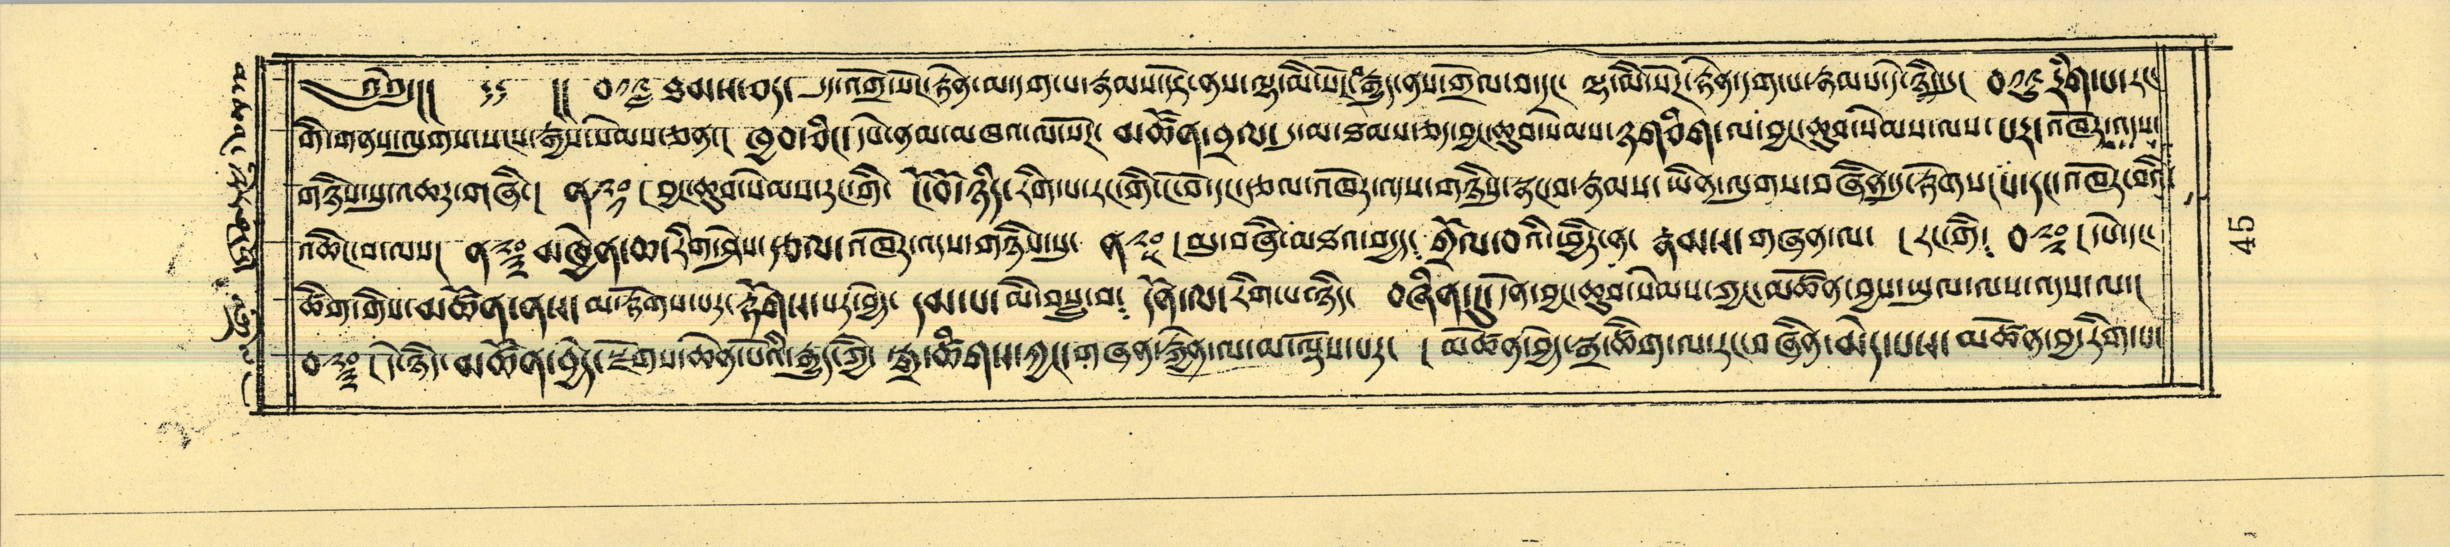བ༡༩།༤ ༼ཐམས་ཅད༽དུད་འགྲོ་སོགས་རྟེན་མ་དག་པ་རྣམས་དོར་ནས་ལྷ་མི་སོགས་བརྒྱུད་ནས་གྲོལ་བ་དང་། ལྷ་མི་སོགས་རྟེན་དག་པ་རྣམས་དེ་ཉིད་ བ༡༩།༦ ༼རིག་པ༽རང་
གི་གནས་ལུགས་སངས་རྒྱས་སེམས་ཅན་༼ཁྱབ་ཅིང༽དཔེ་ནམ་མཁའ་ལ་སོགས་༼མཚོན་བྲལ༽དུ་མ་ཐམས་ཅད་བྱང་ཆུབ་སེམས་༼ཉག་ཅིག༽ལ་བྱང་ཆུབ་སེམས་ལས་༼པར༽འཁོར་འདས་
གཉིས་སུ་འཆར་གཞི་ ན༢༠།༣ ༼མཁྱེན་ཆ༽རིག་ཤེས་༼རྩལ༽འཁོར་འདས་གཉིས་སུ་ ན༢༠།༥ མུ་བཞི་མཐའ་བརྒྱད་ ༼གྲོལ་བའི༽ཕྱིར་ན་༼རྣམས༽གཞན་ལ། རང་གི་ བ༢༠།༢ དཔེ་དང་
ཚིག་གིས་༼མཚོན་ནས༽མ་རྟོགས་པ་༼རྟོགས་༽པར་བྱེད་༼དམ་པ༽མི་བསླུ་བ་དོན་ལ་རིག་པ་ཉིད་ ༼བཞིན་དུ༽དོན་བྱང་ཆུབ་སེམས་ཀྱང་མཚོན་བྱའི་ལས་འདས་ལ་
བ༢༠།༣ དེ་ཉིད་ ༼མཚོན་བྱེད༽རྫོགས་པ་ཆེན་པོའི་རྒྱུད་ཀྱི་༼སྒྲ་ཚིག་ཀྱང༽གཞན་རྐྱེན་ལ་མ་ལྟོས་པར། མཚོན་བྱེད་སྒྲ་ཚིག་ལ་རང་བཞིན་༼མེད་པས་༽མཚོིན་བྱ་རིག་པ་